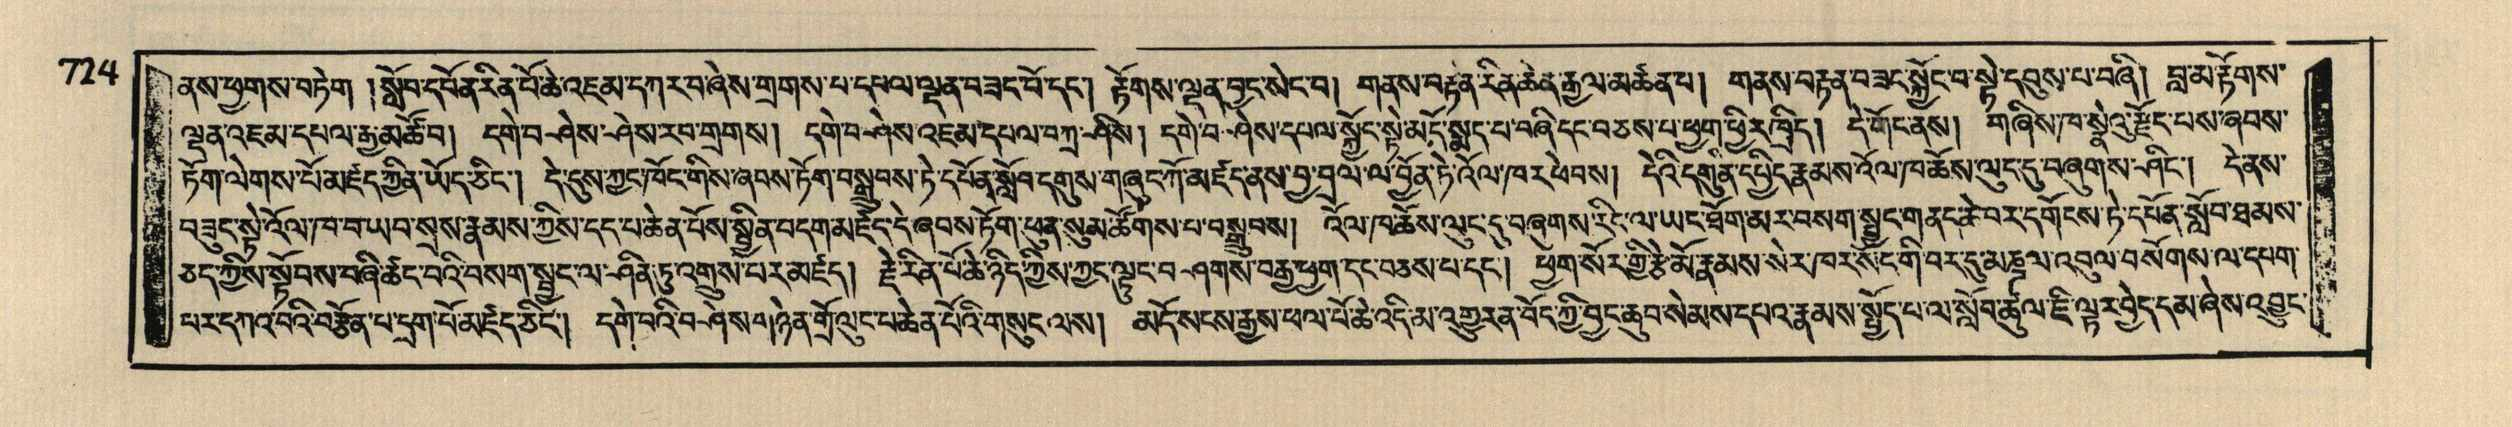ནས་ཕྱགས་བཏེག །སློབ་དཔོན་རིན་པོ་ཆེ་འཇམ་དཀར་བ་ཞེས་གྲགས་པ་དཔལ་ལྡན་བཟང་པོ་དང་། རྟོགས་ལྡན་བྱང་སེང་བ། གནས་བརྟན་རིན་ཆེན་རྒྱལ་མཚན་པ། གནས་བརྟན་བཟང་སྐྱོང་བ་སྟེ་དབུས་པ་བཞི། བླ་མ་རྟོགས་
ལྡན་འཇམ་དཔལ་རྒྱ་མཚོ་བ། དགེ་བཤེས་ཤེས་རབ་གྲགས། དགེ་བཤེས་འཇམ་དཔལ་བཀྲ་ཤིས། དགེ་བ་ཤེས་དཔལ་སྐྱོང་སྟེ་མདོ་སྨད་པ་བཞི་དང་བཅས་པ་ཕྱག་ཕྱིར་ཁྲིད། དེ་གོང་ནས། གཞིས་ཁ་སྣེའུ་རྫོང་པས་ཞབས་
ཏོག་ལེགས་པོ་མཛད་ཀྱིན་ཡོད་ཅིང་། དེ་དུས་ཀྱང་ཁོང་གིས་ཞབས་ཏོག་བསྒྲུབས་ཏེ་དཔོན་སློབ་དགུས་གཞུང་ཀོ་མཛད་ནས་བྱ་བྲལ་ལ་བྱོན་ཏེ་འོལ་ཁར་ཕེབས། དེའི་དགུན་དཔྱིད་རྣམས་འོལ་ཁ་ཆོས་ལུང་དུ་བཞུགས་ཤིང་། དེ་ནས་
བཟུང་སྟེ་འོལ་ཁ་བ་ཡབ་སྲས་རྣམས་ཀྱིས་དད་པ་ཆེན་པོས་སྦྱིན་བདག་མཛད་དེ་ཞབས་ཏོག་ཕུན་སུམ་ཚོགས་པ་བསྒྲུབས། འོལ་ཁ་ཆོས་ལུང་དུ་བཞུགས་རིང་ལ་ཡང་ཐོག་མར་བསག་སྦྱང་གནད་ཆེ་བར་དགོངས་ཏེ་དཔོན་སློབ་ཐམས་
ཅད་ཀྱིས་སྟོབས་བཞི་ཚང་བའི་བསག་སྦྱང་ལ་ཤིན་ཏུ་འགྲུས་པར་མཛད། རྗེ་རིན་པོ་ཆེ་ཉིད་ཀྱིས་ཀྱང་ལྟུང་བཤགས་བརྒྱ་ཕྱག་དང་བཅས་པ་དང་། ཕྱག་སོར་གྱི་རྩེ་མོ་རྣམས་སེར་ཁར་སོང་གི་བར་དུ་མཎྜལ་འབུལ་བ་སོགས་ལ་དཔག་
པར་དཀའ་བའི་བརྩོན་པ་དྲག་པོ་མཛད་ཅིང་། དགེ་བའི་བཤེས་གཉེན་གྲོ་ལུང་པ་ཆེན་པོའི་གསུང་ལས། མདོ་སངས་རྒྱས་ཕལ་པོ་ཆེ་འདི་མ་འགྱུར་ན་བོད་ཀྱི་བྱང་ཆུབ་སེམས་དཔའ་རྣམས་སྤྱོད་པ་ལ་སློབ་ཚུལ་ཇི་ལྟར་བྱེད་དམ་ཞེས་འབྱུང་